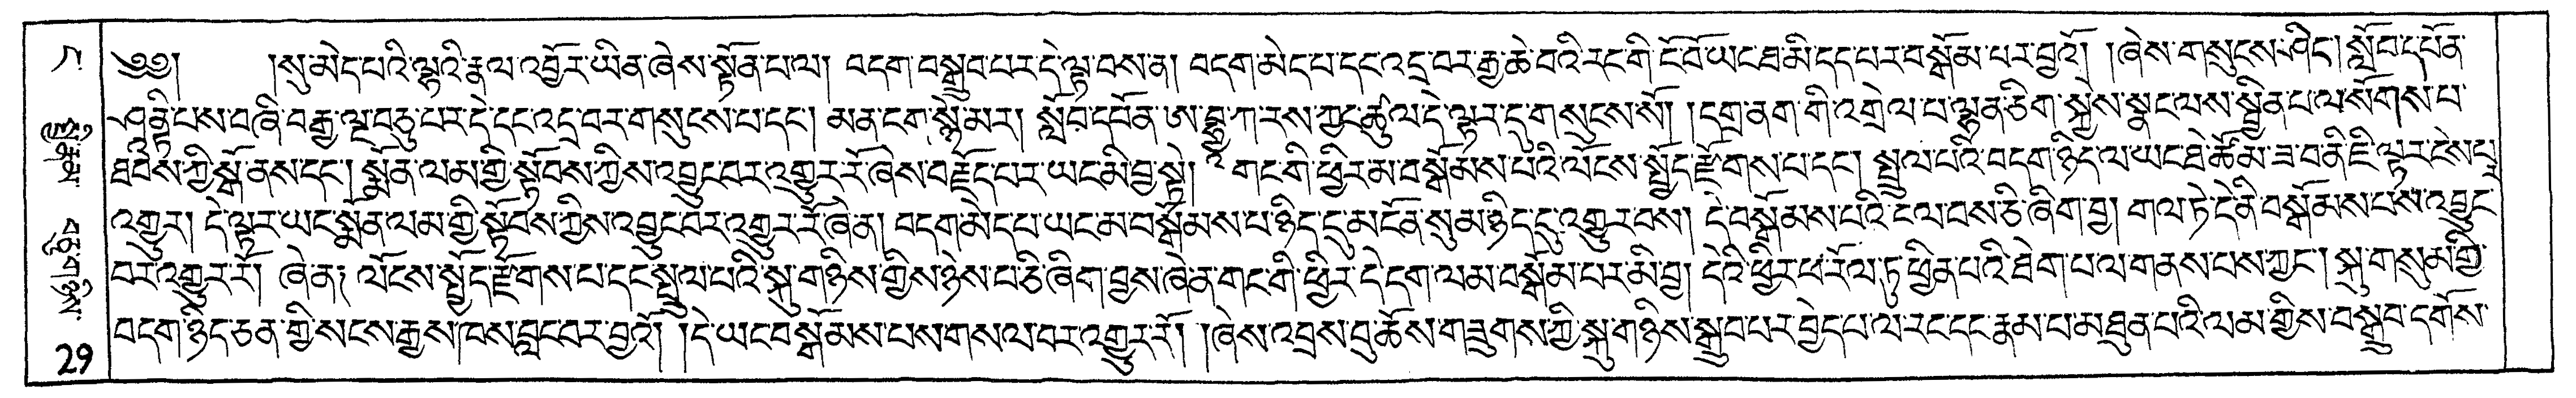༄༅། །སུ་མེད་པའི་ལྷའི་རྣལ་འབྱོར་ཡིན་ཞེས་སྟོན་པ་ལ། བདག་བསྒྲུབ་པར་དེ་ལྟ་བས་ན། བདག་མེད་པ་དང་འདྲ་བར་རྒྱ་ཆེ་བའི་རང་གི་ངོ་བོ་ཡང་ཐ་མི་དད་པར་བསྒོམ་པར་བྱའོ། །ཞེས་གསུངས་ཤིང་། སློབ་དཔོན་
ཤཱནྟི་པས་བཞི་བརྒྱ་ལྔ་བཅུ་པར་དེ་དང་འདྲ་བར་གསུངས་པ་དང་། མན་ངག་སྙེ་མར། སློབ་དཔོན་ཨ་བྷྱཱ་ཀ་རས་ཀྱང་ཚུལ་དེ་ལྟར་དུ་གསུངས་སོ། །དགྲ་ནག་གི་འགྲེལ་པ་ལྷན་ཅིག་སྐྱེས་སྣང་ལས་སྦྱིན་པ་ལ་སོགས་པ་
ཐབས་ཀྱི་སྒོ་ནས་དང་། སྨོན་ལམ་གྱི་སྟོབས་ཀྱིས་འབྱུང་བར་འགྱུར་རོ་ཞེས་བརྗོད་པར་ཡང་མི་བྱ་སྟེ། གང་གི་ཕྱིར་མ་བསྒོམས་པའི་ལོངས་སྤྱོད་རྫོགས་པ་དང་། སྤྲུལ་པའི་བདག་ཉིད་ལ་ཡང་ཐེ་ཚོམ་ཟ་བ་ནི་ཇི་ལྟར་ངེས་པར་
འགྱུར། དེ་ལྟར་ཡང་སྨོན་ལམ་གྱི་སྟོབས་ཀྱིས་འབྱུང་བར་འགྱུར་རོ་ཞེ་ན། བདག་མེད་པ་ཡང་མ་བསྒོམས་པ་ཉིད་དུ་མངོན་སུམ་ཉིད་དུ་འགྱུར་བས། དེ་བསྒོམས་པའི་ངལ་བས་ཅི་ཞིག་བྱ། གལ་ཏེ་དེ་ནི་བསྒོམས་པས་འབྱུང་
བར་འགྱུར་རོ། ཞེ་ན། ལོངས་སྤྱོད་རྫོགས་པ་དང་སྤྲུལ་པའི་སྐུ་གཉིས་གྱིས་ཉེས་པ་ཅི་ཞིག་བྱས་ཞེ་ན་གང་གི་ཕྱིར་དེ་དག་ལམ་བསྒོམ་པར་མི་བྱ། དེའི་ཕྱིར་ཕ་རོལ་ཏུ་ཕྱིན་པའི་ཐེག་པ་ལ་གནས་པས་ཀྱང་། སྐུ་གསུམ་གྱི་
བདག་ཉིད་ཅན་གྱི་སངས་རྒྱས་ཁས་བླང་བར་བྱའོ། །དེ་ཡང་བསྒོམས་པས་གསལ་བར་འགྱུར་རོ། །ཞེས་འབྲས་བུ་ཆོས་གཟུགས་ཀྱི་སྐུ་གཉིས་སྒྲུབ་པར་བྱེད་པ་ལ་རང་དང་རྣམ་པ་མཐུན་པའི་ལམ་གྱིས་བསྒྲུབ་དགོས་